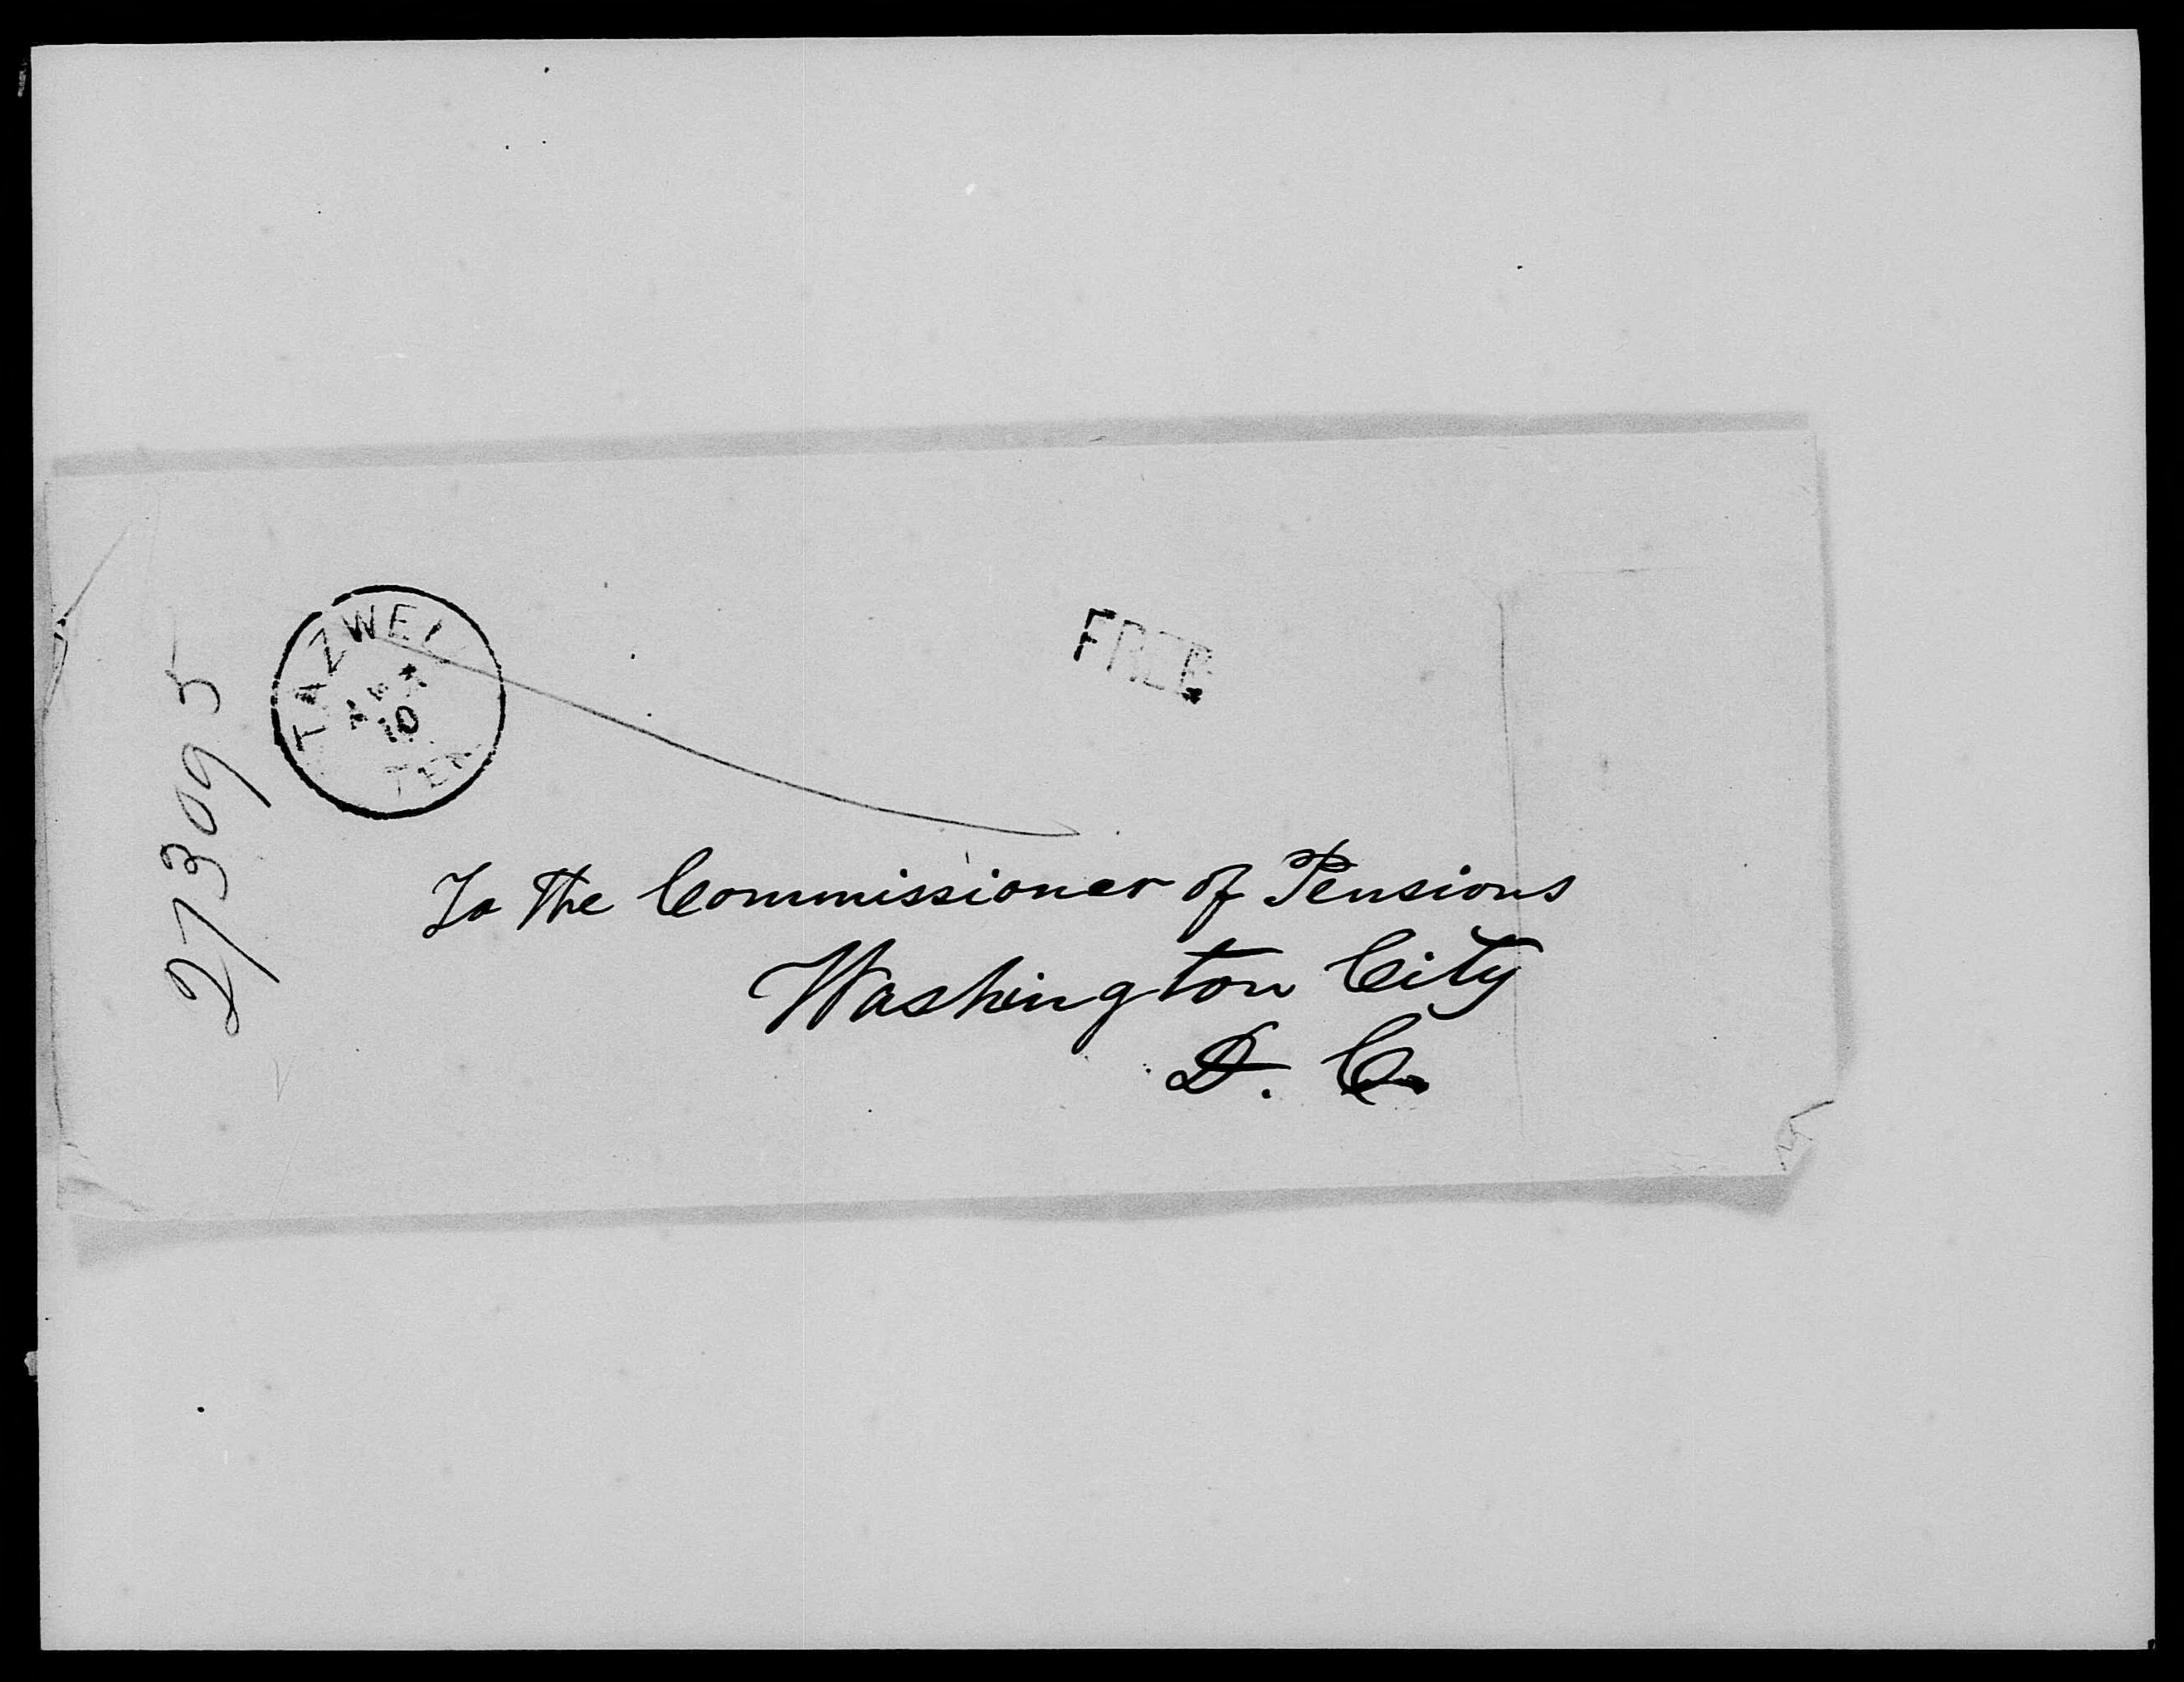[vertical left side]
273095

[date stamp]
TAZWELL
Aug
10
TEN

FREE
To the Commissioner of Pensions
Washington City
D. C.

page: 79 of 120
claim: widow's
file: W. 1044, for Salathiel Martin, North Carolina